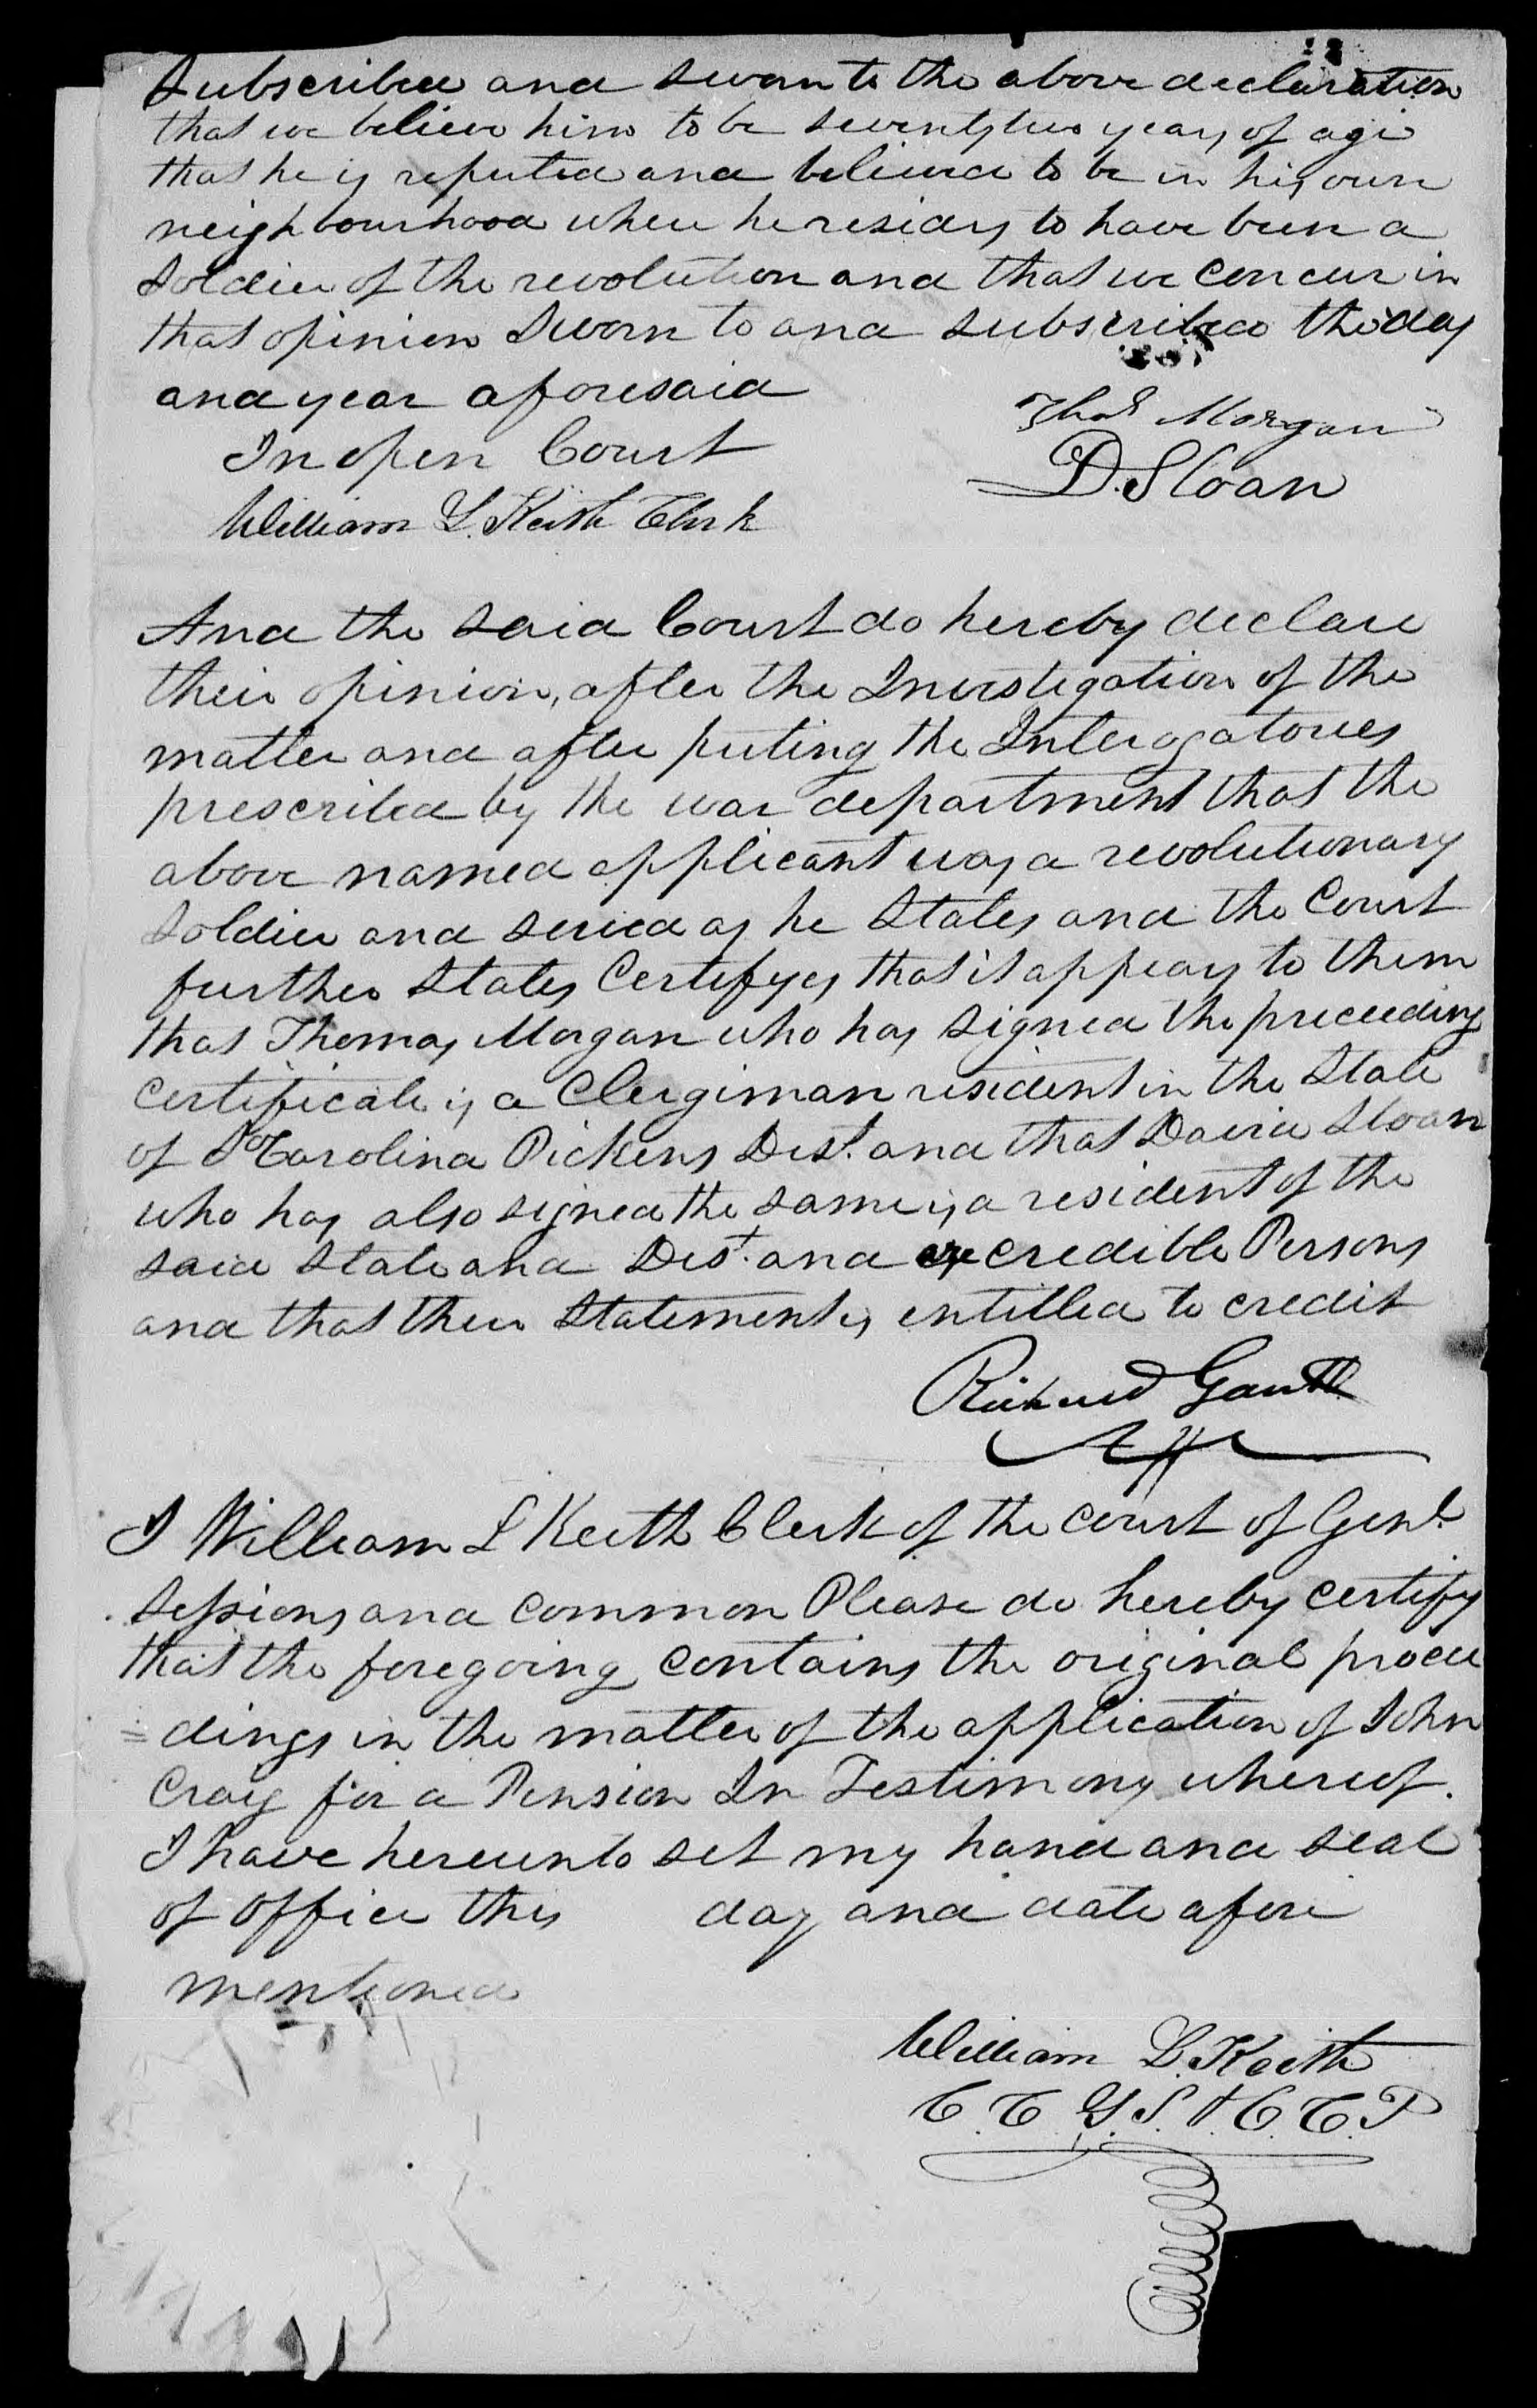Subscribed and sworn to the above declaration that we believe him to be seventy two years of age that he is reputed and believed to be in his own neighbourhood where he resides to have been a soldier of the revolution and that we concur in that opinion sworn to and subscribed the day and year aforesaid.
In open Court
William L. Keith  Clerk
Thos Morgan 
D. Sloan

And the said Court do hereby declare their opinion, after the investigation of the matter and after puting the Interogatories prescribed b the war department that the above named applicant was a revolutionary soldier and served as he states and the Court further states certifyes that it appears to them that Thomas Morgan who has signed the preceeding certificate is a clergiman resident in the State of So Carolina Pickens Dist. and that David Sloan who has also signed the same, a resident of the said state and Dist. and are credible persons and that their statement, intitled to credit.
Richard Garth

I William L. Keith Clerk oof the court of Genl Sessions and common please do hereby certify that the foregoing contains the original proceedings in the matter of the application of John Craig for a pension
In Testimony whereof, I have hereunto set my hand and seal of office this day and date aforementioned.
William L. Keith
C. C. U. S & C. C. P.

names: D Sloan, Thos Morgan, Thomas Morgan, William L Keith, William L Keith, William L Keith, Richard Gantt, David Sloan, John Craig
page: 6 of 55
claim: widow's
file: W. 22864, John Craig, S.C. Born In Iceland